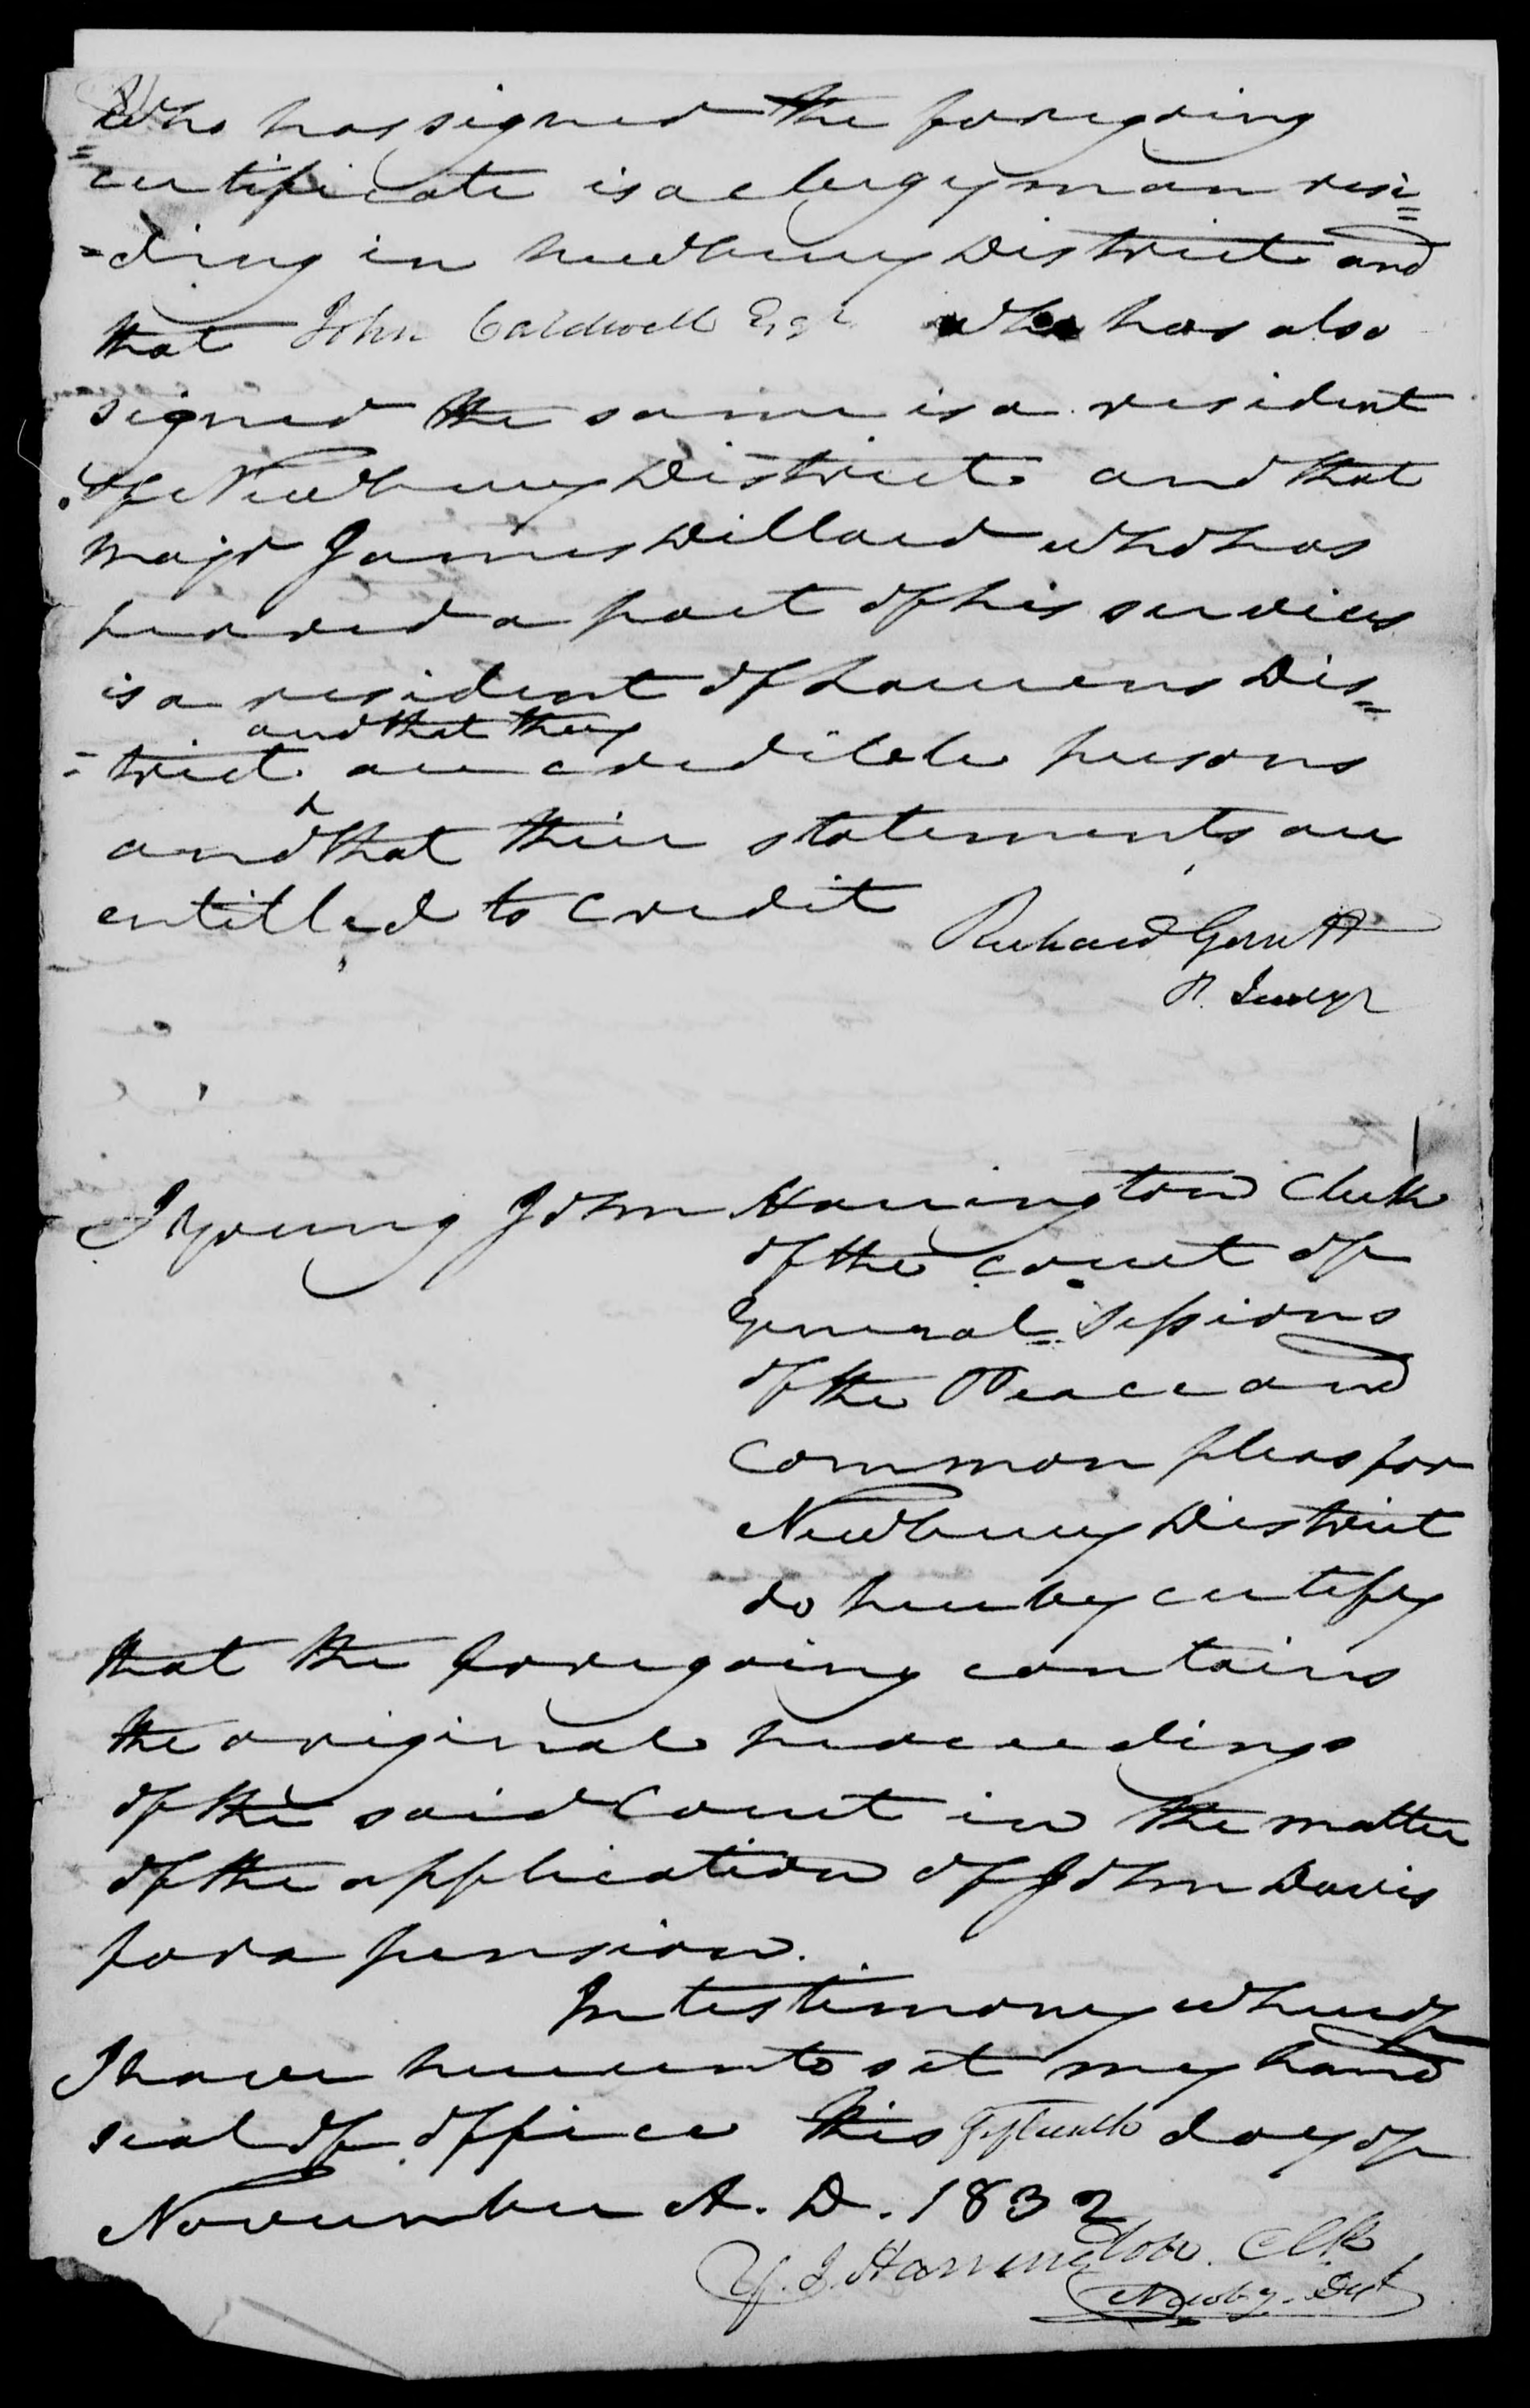who has signed the forgoing certificate is a clergyman residing in Newberry District and that John Caldwell Esqr who has also signed the same is a resident of Newberry District and that
said James Dillard who has proved a fact of his service is a resident of Laurens District and that they are credible persons and that their statements are entitled to credit
Richard Garrett
[illegible]

I Young John Harrington Clerk of the Court of General Sessions of the Peace and common pleas for
Newberry District, do hereby certify that the foregoing contains the original proceedings of the said Court in the matter of the application of John Davis for pension

In testimony whereof I have hereunto set my hand seal of office this fifteenth day of November A.D. 1832
Y. J. Harrington Clk
Newberry Dist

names: Y J Harrington, Richard Gerrett, R Joselyn, Young John Harrington, John Davis, James Dillard, John Caldwell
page: 10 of 13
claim: survivor's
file: S. 21,725, John Davis, S.C.